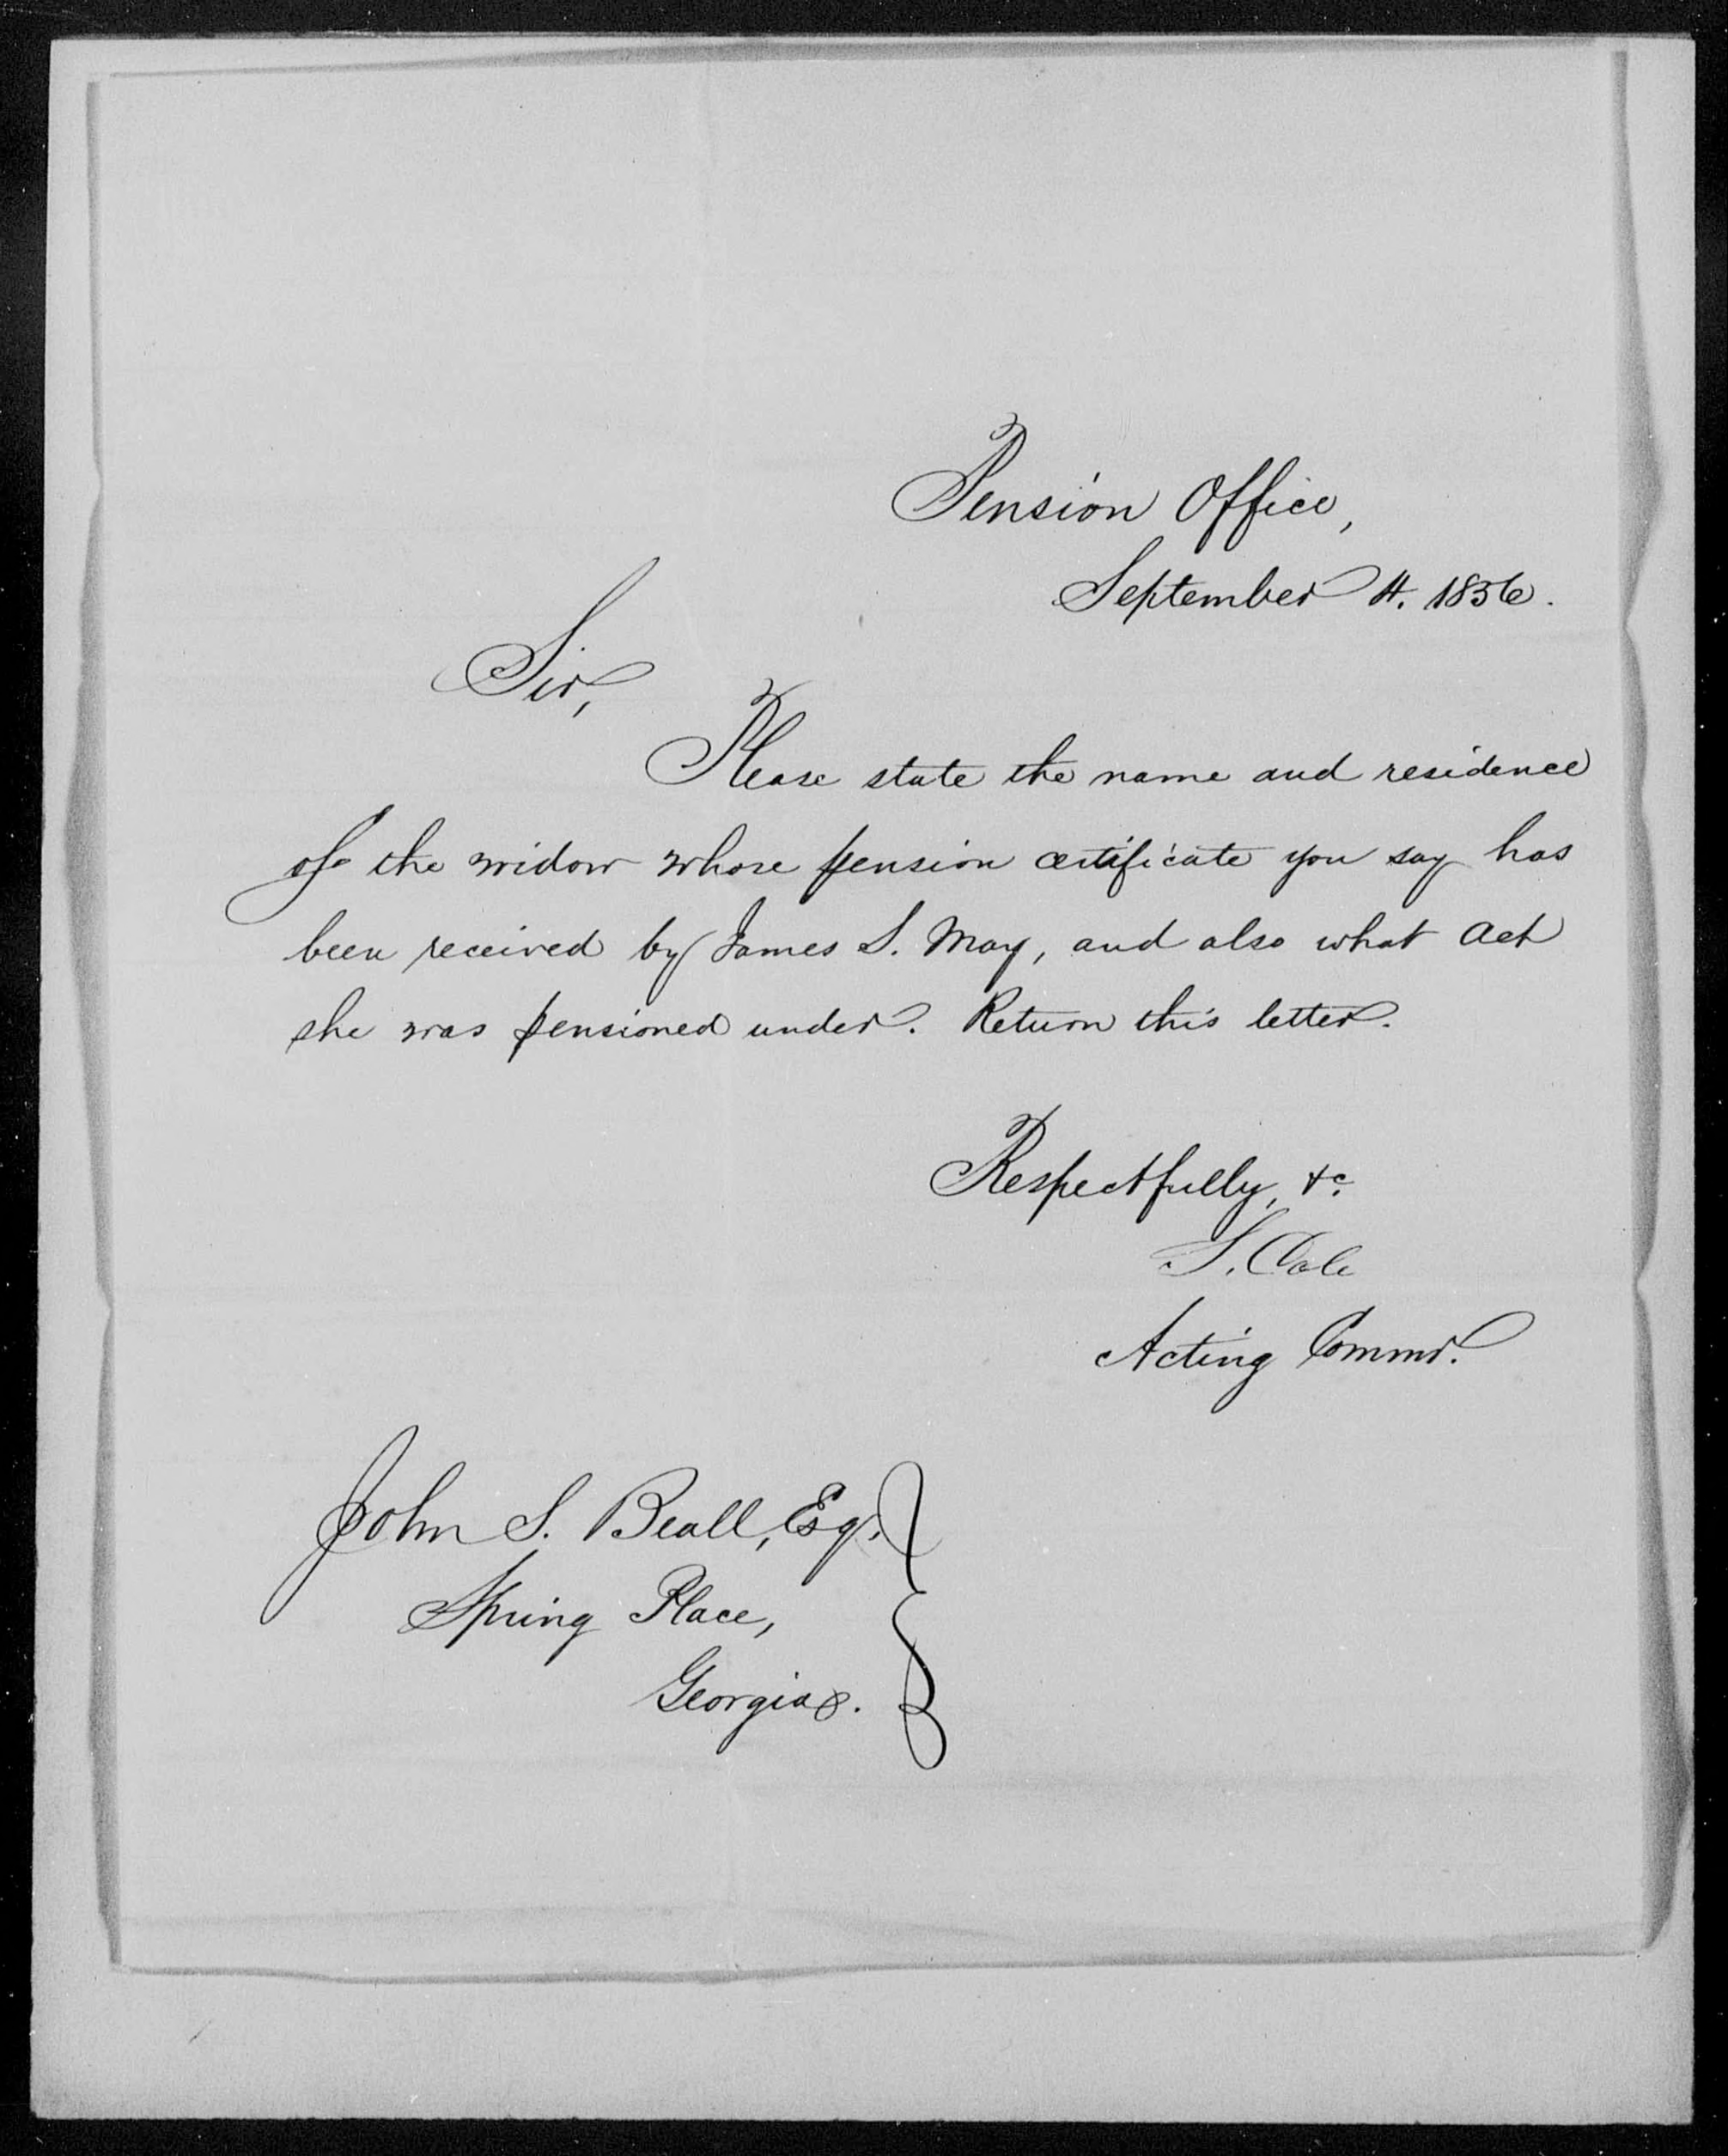Pension Office, 
  September 4, 1836

Sir, 
 Please state the name and residence of the widow whose pension certificate you say has been recieved by James S. May, and also what act she was pensioned under. Return this letter. 

Respectfully, tc
I. Cole 
Acting Comm. 

John S. Beall, Esq
Spring Place, 
Georgia.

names: James S May, S Cole, John S Beall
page: 51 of 75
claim: widow's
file: W. 25805, Andrew Hughes, N.C.